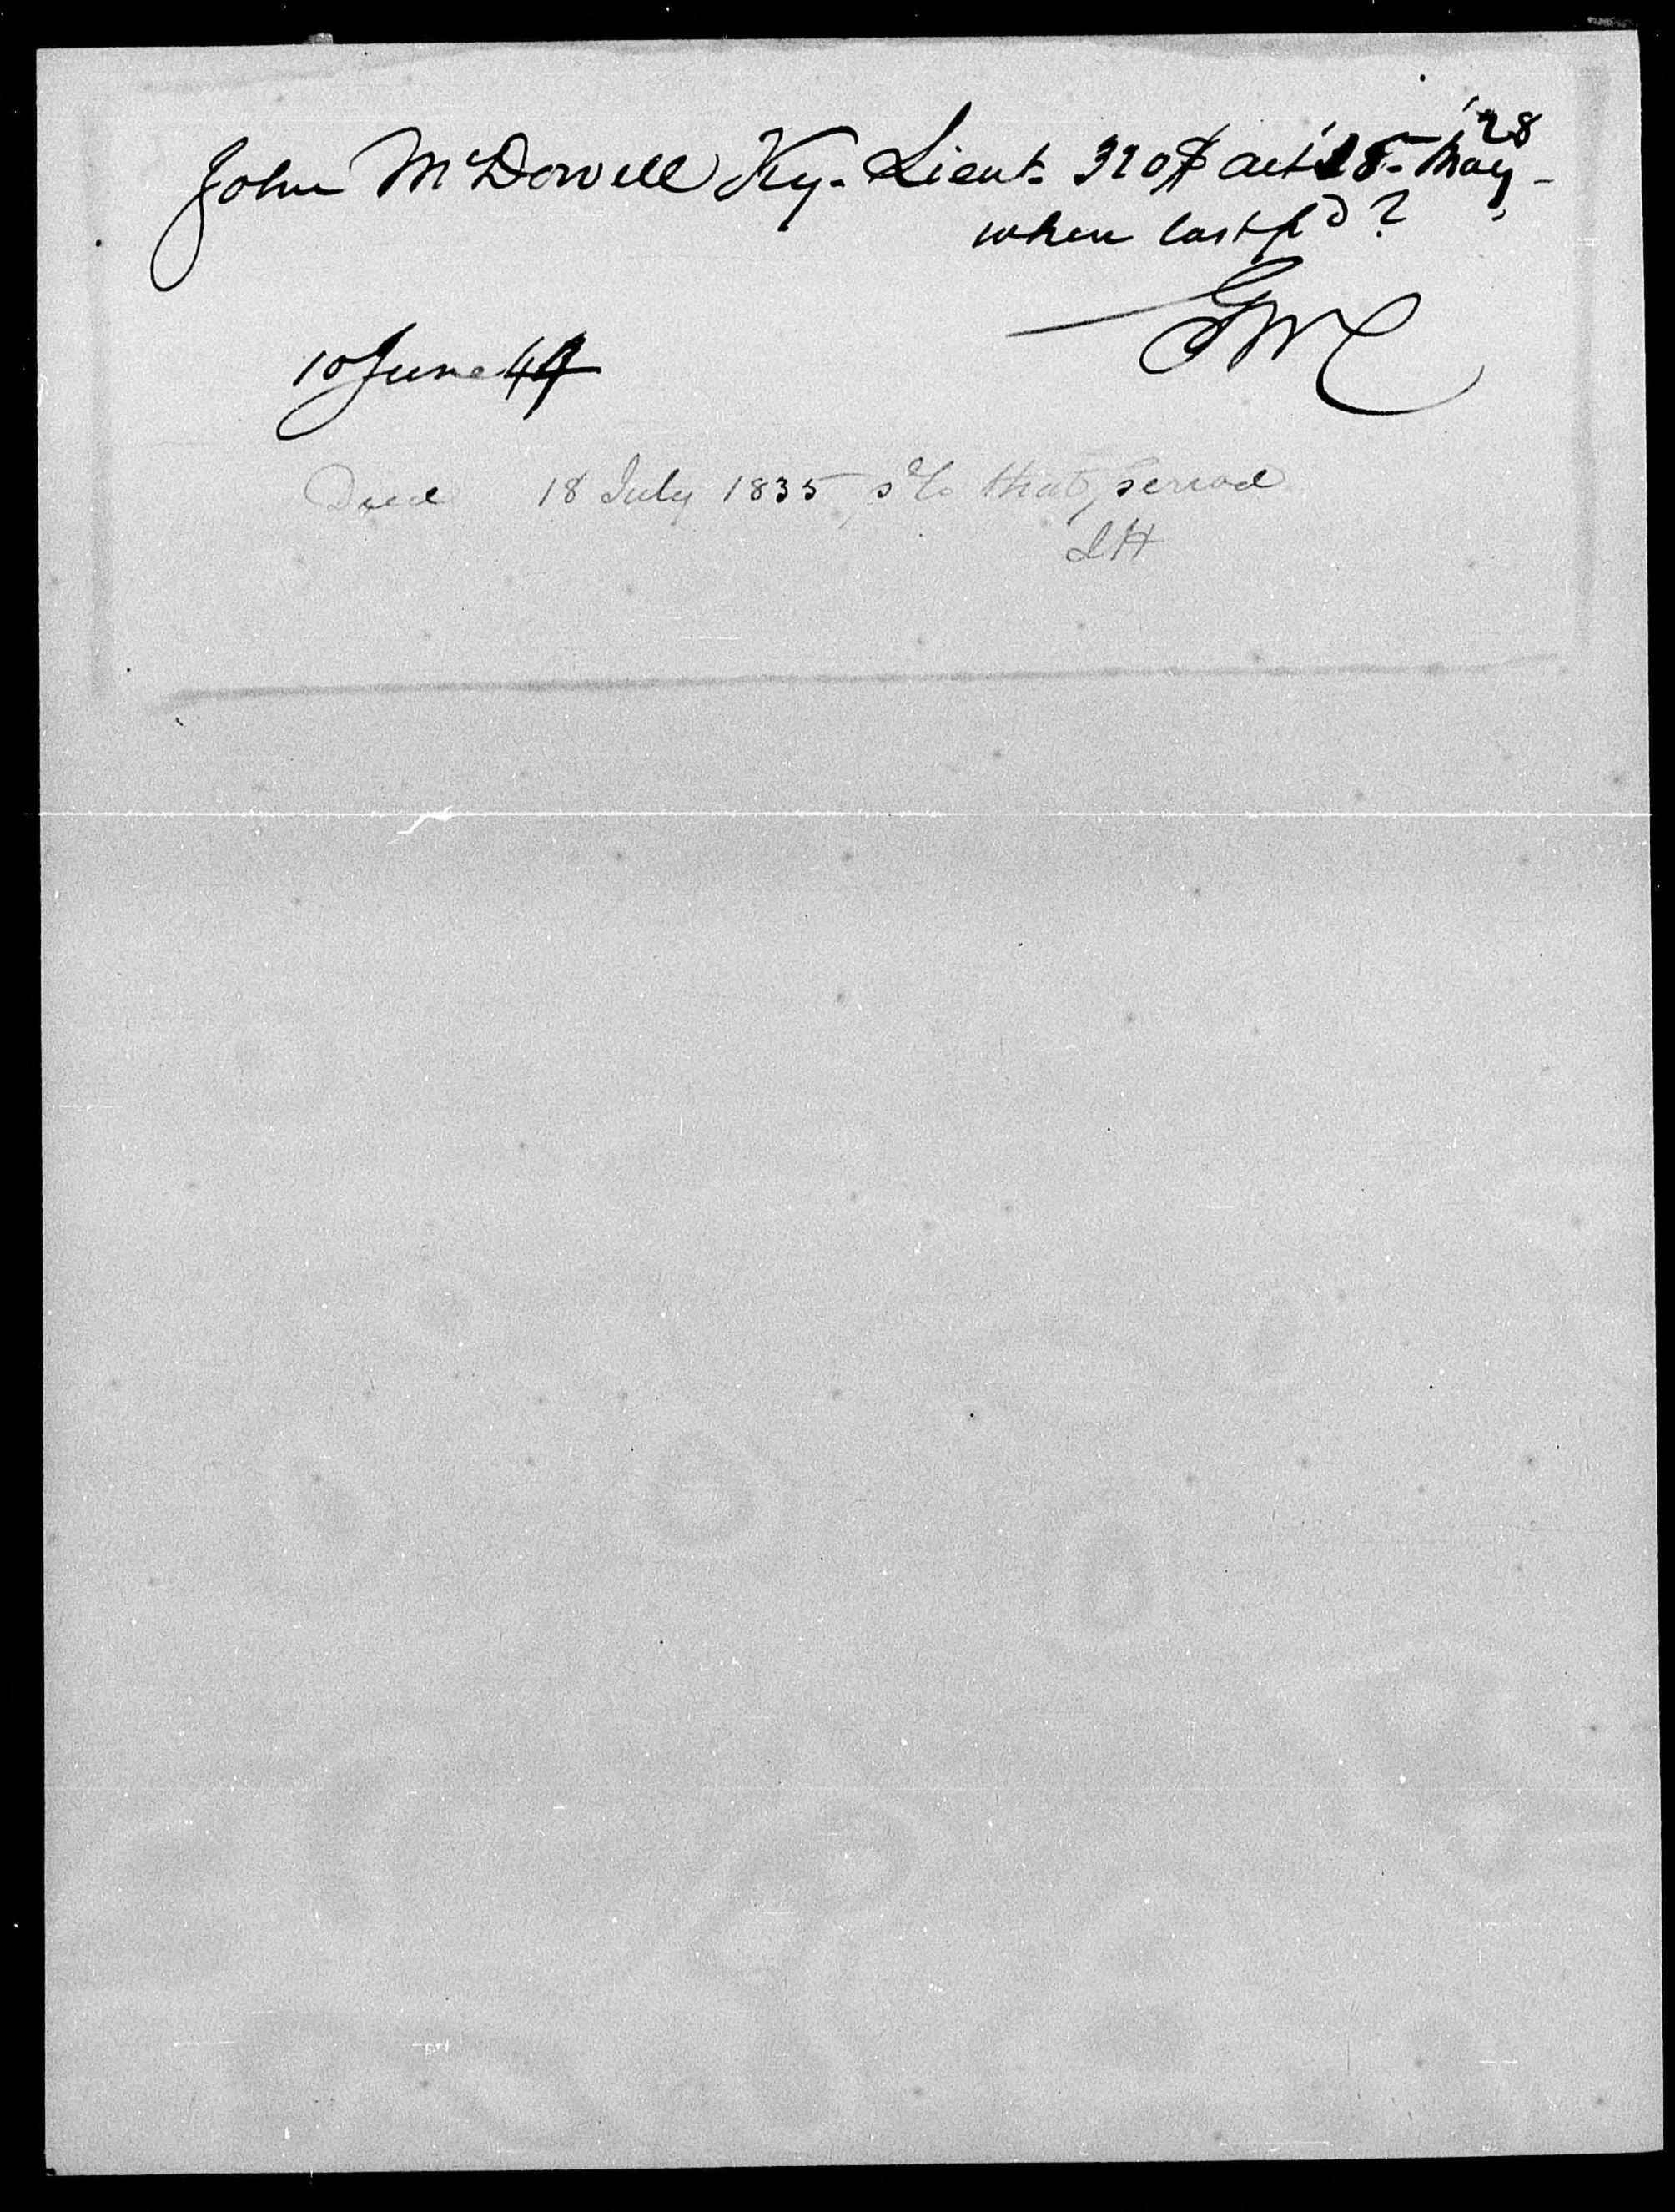John McDowell Ky. Lieut. 310$[illegible]15 May '28
                                                  When last pd?
10 June 44                      (initials of GWC)
Died  18 July 1835 [illegible] that period
IHor JH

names: John Mc Dowell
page: 15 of 47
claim: survivor's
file: S. 30578, for John Mc Dowell, Virginia